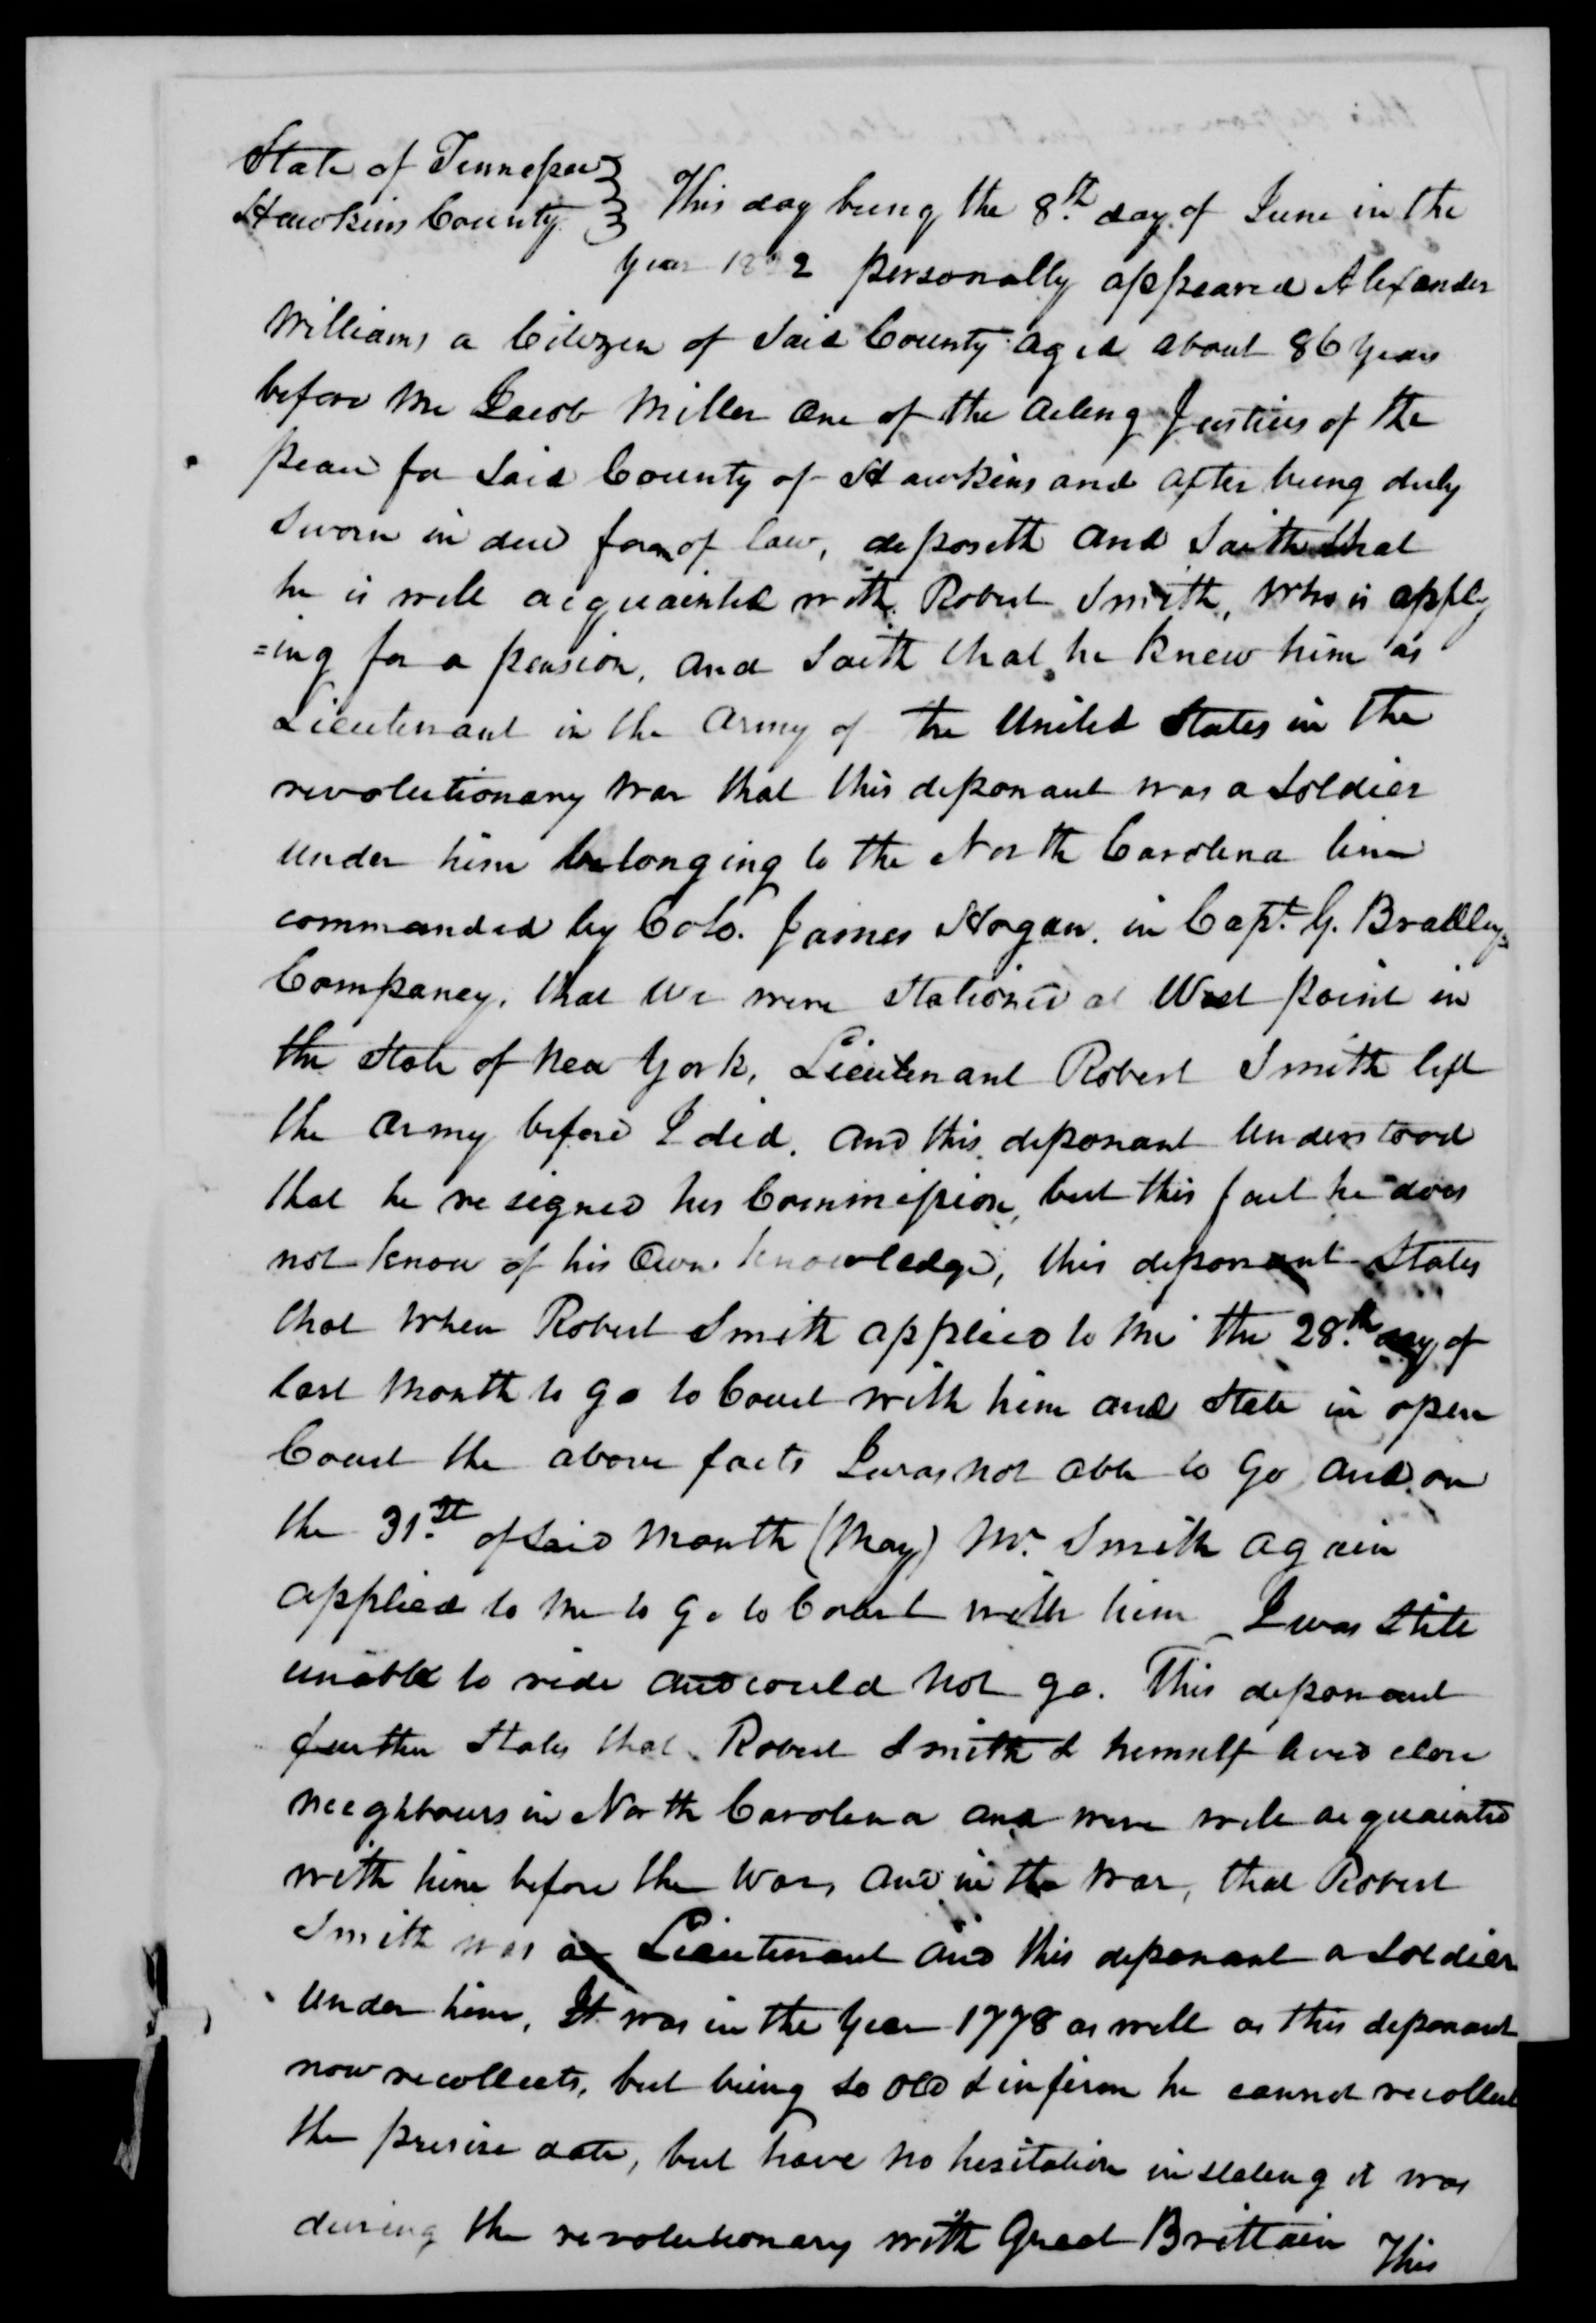State of Tennefsee}
Hawkins County} This day being the 8th day of June in the year 1822 personally appeared Alexander Williams a Citizen of Said County aged about 86 years before Mr. Jacob Miller one of the acting Justices of the peace for Said County of Hawkins and after being duly Sworn in due form of law, deposeth and Saith that he is well acquainted with Robert Smith, who is applying for a pension, and Saith that he knew him as Lieutenant in the army of the United States in the revolutionary war that this deponant was a Soldier under him belonging to the North Carolina line commanded by Colo. James Hogan, in Capt. G Bradley's Company, that we were stationed at West Point in the State of New York, Lieutenant Robert Smith left the army before I did. And this deponant understood the he resigned his Commifsion, but this fact he does not know of his Own knowledge, this deponant States that when Robert Smith applied to me the 28th day of last month to go to Court with him and State in open Court the above facts I was not able to go and on the 31st of Said month (May) Mr. Smith again applied to me to go to Court with him I was still unable to ride and could not go. This deponant further States that Robert Smith + himself lived close neeghbours in North Carolina and were well acquainted with him before the war, and in the war, that Robert Smith was a Lieutenant and this deponant a Soldier under him. It was in the year 1778 or well as this deponant now recollects, but being so old + infirm he cannot recollect the precise date, but have no hesitation in stating it was during the revolutionary with Great Brittain This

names: Robert Smith; Robert Smith; Robert Smith; Alexander Williams; Robert Smith; James Hogan; Robert Smith; Jacob Miller; [BLANK] Smith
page: 72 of 79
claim: widow's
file: W. 1504, for Robert Smith, North Carolina